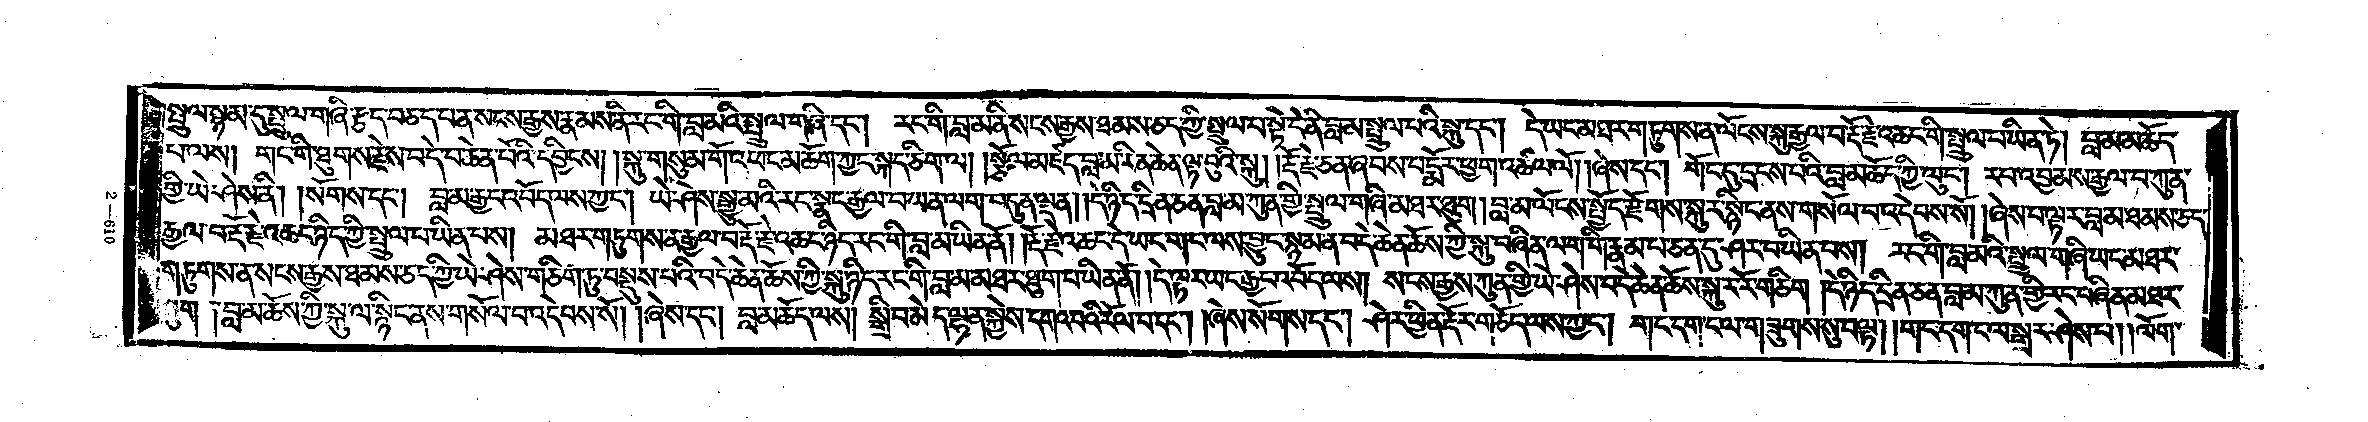སྤྲུལ་སྙམ་དུ་སྤྲུལ་གཞི་རྩད་བཅད་པ་ན་སངས་རྒྱས་རྣམས་ནི་རང་གི་བླ་མའི་སྤྲུལ་གཞི་དང་། རང་གི་བླ་མ་ནི་སངས་རྒྱས་ཐམས་ཅད་ཀྱི་སྤྲུལ་པ་སྟེ་དེ་ནི་བླ་མ་སྤྲུལ་པའི་སྐུ་དང་། དེ་ཡང་མཐར་གཏུགས་ན་ལོངས་སྐུ་རྒྱལ་བ་རྡོ་རྗེ་འཆང་གི་སྤྲུལ་པ་ཡིན་ཏེ། བླ་མ་མཆོད་
པ་ལས། གང་གི་ཐུགས་རྗེས་བདེ་པ་ཆེན་པོའི་དབྱིངས། །སྐུ་གསུམ་གོ་འཕང་མཆོག་ཀྱང་སྐད་ཅིག་ལ། །སྩོལ་མཛད་བླ་མ་རིན་ཆེན་ལྟ་བུའི་སྐུ། །རྡོ་རྗེ་ཅན་ཞབས་པདམོ་ཕྱག་འཚལ་ལོ། །ཞེས་དང་། གོང་དུ་དྲངས་པའི་བླ་མཆོད་ཀྱི་ལུང་། རབ་འབྱམས་རྒྱལ་བ་ཀུན་
གྱི་ཡེ་ཤེས་ནི། །སོགས་དང་། བླ་མ་རྒྱང་འབོད་ལས་ཀྱང་། ཡེ་ཤེས་སྒྱུ་མའི་རང་སྣང་རྒྱལ་བ་ཡན་ལག་བདུན་ལྡན། །དེ་ཉིད་དྲིན་ཅན་བླ་མ་ཀུན་གྱི་སྤྲུལ་གཞི་མཐར་ཐུག །བླ་མ་ལོངས་སྤྱོད་རྫོགས་སྐུར་སྙིང་ནས་གསོལ་བ་འདེབས་སོ། །ཞེས་བལྟར་བླ་མ་ཐམས་ཅད་
རྒྱལ་བ་རྡོ་རྗེ་འཆང་ཉིད་ཀྱི་སྤྲུལ་པ་ཡིན་པས། མཐར་གཏུགས་ན་རྒྱལ་བ་རྡོ་རྗེ་འཆང་ཉིད་རང་གི་བླ་མ་ཡིན་ནོ། །རྡོ་རྗེ་འཆང་དེ་ཡང་གང་ལས་བྱུང་སྙམ་ན་བདེ་ཆེན་ཆོས་ཀྱི་སྐུ་བཞིན་ལག་གི་རྣམ་པ་ཅན་དུ་ཤར་བ་ཡིན་པས། རང་གི་བླ་མའི་སྤྲུལ་གཞི་ཡང་མཐར་
གཏུགས་ན་སངས་རྒྱས་ཐམས་ཅད་ཀྱི་ཡེ་ཤེས་གཅིག་ཏུ་བསྡུས་པའི་བདེ་ཆེན་ཆོས་ཀྱི་སྐུ་ཉིད་རང་གི་བླ་མ་མཐར་ཐུག་པ་ཡིན་ནོ། །དེ་ལྟར་སངས་རྒྱས་རྒྱང་འབོད་ལས། སངས་རྒྱས་ཀུན་གྱི་ཡེ་ཤེས་བདེ་ཆེན་ཆོས་སྐུ་ར་རོ་གཅིག །དེ་ཉིད་དྲིན་ཅན་བླ་མ་ཀུན་གྱི་རང་བཞིན་མཐར་
ཐུག ༑བླ་མ་ཆོས་ཀྱི་སྐུ་ལ་སྙིང་ནས་གསོལ་བ་འདེབས་སོ། །ཞེས་དང་། བླ་མཆོད་ལས། སྒྲིབ་མེད་ལྷན་སྐྱེས་དགའ་བའི་རོལ་བ་དང་། །ཞེས་སོགས་དང་། ཤེར་ཕྱིན་རྡོར་གཅོད་ལས་ཀྱང་། གང་དག་ང་ལ་གཟུགས་སུ་བལྟ། །གང་དག་ངལ་སྒྲར་ཤེས་པ། །ལོག་